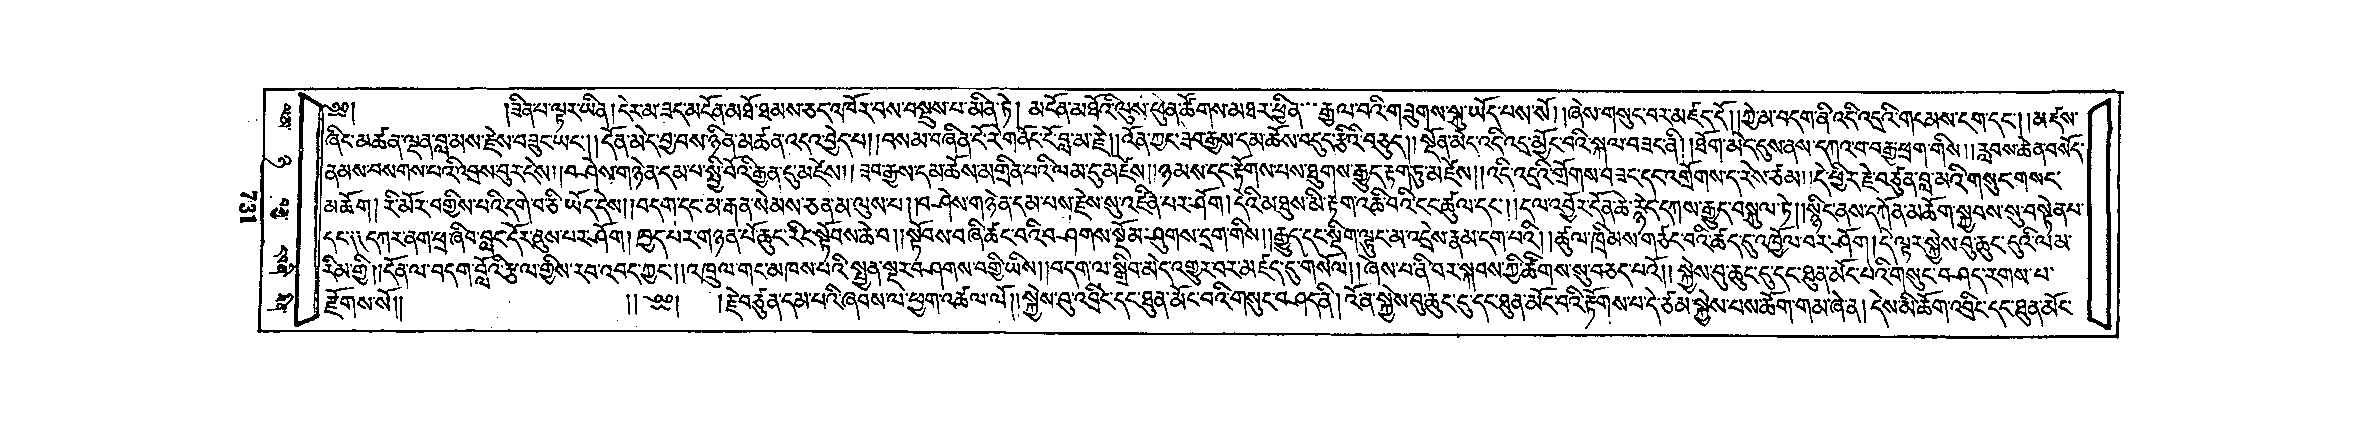༄༅། །ཟིན་པ་ལྟར་ཡིན། དེར་མ་ཟད་མངོན་མཐོ་ཐམས་ཅད་འཁོར་བས་བསྡུས་པ་མིན་ཏེ། མངོན་མཐོའི་ལུས་ཕུན་ཚོགས་མཐར་ཕྱིན་རྒྱལ་བའི་གཟུགས་སྐུ་ཡོད་པས་སོ། །ཞེས་གསུང་བར་མཛད་དོ། །ཀྱེ་མ་བདག་ནི་འདི་འདྲའི་གདམས་ངག་དང་། །མཛས་
ཞིང་མཚན་ལྡན་བླ་མས་རྗེས་བཟུང་ཡང་། །དོན་མེད་བྱ་བས་ཉིན་མཚན་འདའ་བྱེད་པ། །བསམ་བཞིན་ངོ་རེ་གནོང་ངོ་བླ་མ་རྗེ། །འོན་ཀྱང་ཟབ་རྒྱས་དམ་ཆོས་བདུད་རྩིའི་བཅུད། །སྔོན་མེད་འདི་འདྲ་མྱོང་བའི་སྐལ་བཟང་ནི། །ཐོག་མེད་དུས་ནས་དཀའ་བ་བརྒྱ་ཕྲག་གིས། །རླབས་ཆེན་བསོད་
ནམས་བསགས་པའི་འབྲས་བུར་ངེས། །བཤེས་གཉེན་དམ་པ་སྤྱི་བོའི་རྒྱན་དུ་མཛེས། །ཟབ་རྒྱས་དམ་ཆོས་མགྲིན་པའི་ལམ་དུ་མཛེས། །ཉམས་དང་རྟོགས་པས་ཐུགས་རྒྱུད་རྟག་ཏུ་མཛེས། །འདི་འདྲའི་གྲོགས་བཟང་དང་འགྲོགས་ད་རེས་ཙམ། །དེ་ཕྱིར་རྗེ་བཙུན་བླ་མའི་གསུང་གསང་
མཆོག །རི་མོར་བགྱིས་པའི་དགེ་བ་ཅི་ཡོད་དེས། །བདག་དང་མ་རྒན་སེམས་ཅན་མ་ལུས་པ། །བཤེས་གཉེན་དམ་པས་རྗེས་སུ་འཛིན་པར་ཤོག །དེའི་མཐུས་མི་རྟག་འཆི་བའི་ངང་ཚུལ་དང་། །དལ་འབྱོར་དོན་ཆེ་རྙེད་དཀས་རྒྱུད་བསྐུལ་ཏེ། །སྙིང་ནས་དཀོན་མཆོག་སྐྱབས་སུ་བསྟེན་པ་
དང་། །དཀར་ནག་ཕྲ་ཞིབ་བླང་དོར་ནུས་པར་ཤོག །ཁྱད་པར་གཉན་པོ་ཆུང་རིང་སྟོབས་ཆེ་བ། །སྟོབས་བཞི་ཚང་བའི་བཤགས་སྡོམ་ཤུགས་དྲག་གིས། །རྒྱུད་དང་སྡིག་ལྟུང་མ་འདྲེས་རྣམ་དག་པའི། །ཚུལ་ཁྲིམས་གཙང་བའི་ཚད་དུ་འཁྱོལ་བར་ཤོག །དེ་ལྟར་སྐྱེས་བུ་ཆུང་ངུའི་ལམ་
རིམ་གྱི། །དོན་ལ་བདག་བློའི་རྩལ་གྱིས་རབ་འབད་ཀྱང་། །འཁྲུལ་གང་མཁས་པའི་སྤྱན་སྔར་བཤགས་བགྱི་ཡིས། །བདག་ལ་སྒྲིབ་མེད་འགྱུར་བར་མཛད་དུ་གསོལ། །ཞེས་པ་ནི་བར་སྐབས་ཀྱི་ཚིགས་སུ་བཅད་པའོ། །སྐྱེས་བུ་ཆུང་ངུ་དང་ཐུན་མོང་པའི་གསུང་བཤད་རགས་པ་
རྫོགས་སོ།། །།༄༅། །རྗེ་བཙུན་དམ་པའི་ཞབས་ལ་ཕྱག་འཚལ་ལོ། །སྐྱེས་བུ་འབྲིང་དང་ཐུན་མོང་བའི་གསུང་བཤད་ནི། འོ་ན་སྐྱེས་བུ་ཆུང་ངུ་དང་ཐུན་མོང་བའི་རྟོགས་པ་དེ་ཙམ་སྐྱེས་པས་ཆོག་གམ་ཞེ་ན། དེས་མི་ཆོག་འབྲིང་དང་ཐུན་མོང་